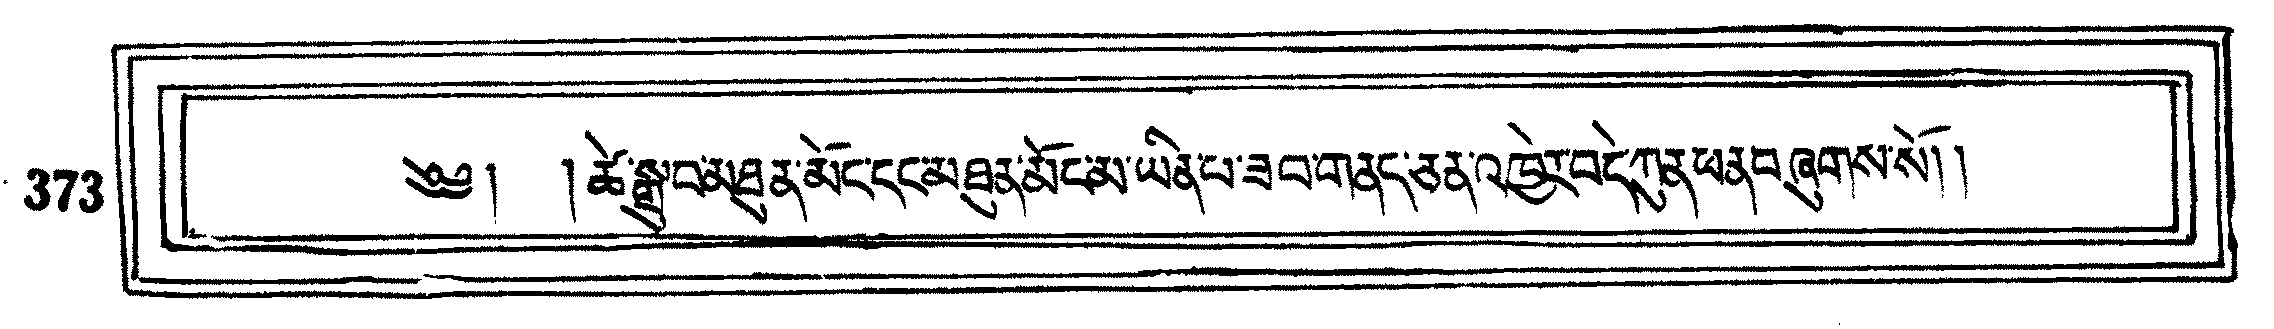༄༅། །ཚེ་སྒྲུབ་མཐུན་མོང་དང་མཐུན་མོང་མ་ཡིན་པ་ཟབ་གནད་ཅན་འཁྱེར་བདེ་ཀུན་ཕན་བཞུགས་སོ།།